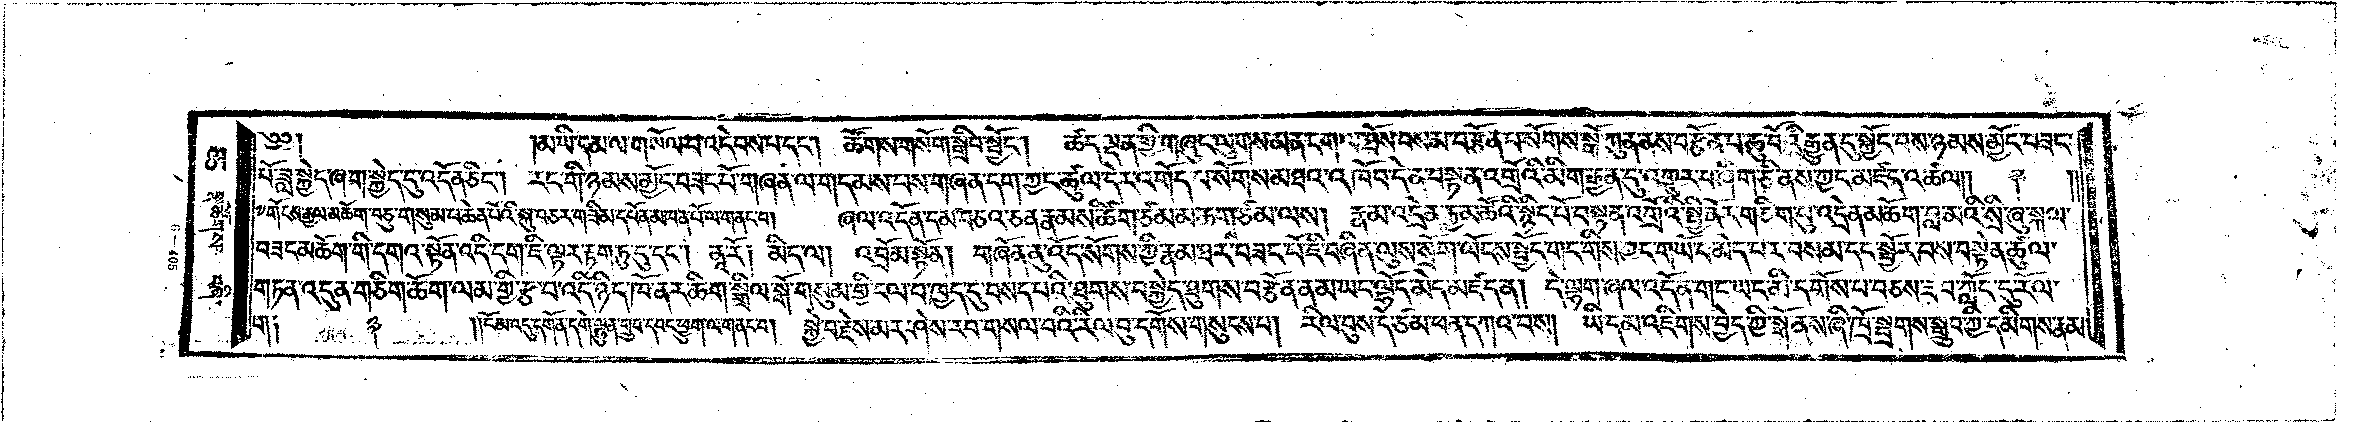༄༅། །མ་ཡི་དམ་ལ་གསོལ་བ་འདེབས་པ་དང་། ཚོགས་གསོག་སྒྲིབ་སྦྱོང་། ཚད་ལྡན་གྱི་གཞུང་ལུགས་མན་ངག་ལ་ཐོས་བསམ་བརྩོན་པ་སོགས་སྒོ་ཀུན་ནས་བརྩོན་པ་ཆུ་བོའི་རྒྱུན་དུ་སྐྱོང་བས་ཉམས་མྱོང་བཟང་
པོ་ཟླ་སྐྱེད་ཞག་སྐྱེད་དུ་འདོན་ཅིང་། རང་གི་ཉམས་མྱོང་བཟང་པོ་གཞན་ལ་གདམས་པས་གཞན་དག་ཀྱང་ཚུལ་དེར་འགོད་པ་སོགས་མཐའ་འཁོབ་དེ་ན་བསྟན་འགྲོའི་མིག་རྒྱན་དུ་འགྱུར་བ་ཞིག་ཅི་ནས་ཀྱང་མཛད་འཚལ།། ༈ །།
༈ གོང་ས་རྒྱལ་མཆོག་བཅུ་གསུམ་པ་ཆེན་པོའི་སྐུ་བཅར་གཟིམ་དཔོན་མཁན་པོ་ལ་གནང་བ།  ཞལ་འདོན་དམ་བཅའ་ཅན་རྣམས་ཚིག་ཙམ་མ་ཆགས་ཙམ་ལས། རྣམ་འདྲེན་རྒྱ་མཚོའི་སྙིང་པོ་བསྟན་འགྲོའི་སྤྱི་ནོར་གཅིག་པུ་འདྲེན་མཆོག་བླ་མའི་སྲི་ཞུ་སྐལ་
བཟང་མཆོག་གི་དགའ་སྟོན་འདི་དག་ཇི་ལྟར་རྟག་ཏུ་དུ་དང་། ནཱ་རོ། མིད་ལ། འབྲོམ་སྟོན། གཞོན་ནུ་འོད་སོགས་ཀྱི་རྣམ་ཐར་བཟང་པོ་ཇི་བཞིན་ལུས་སྲོག་ལོངས་སྤྱོད་གང་གིས་ཀྱང་གཡོ་བ་མེད་པར་བསམ་དང་སྦྱོར་བས་བསྟེན་ཚུལ་
གཏན་འདུན་གཅིག་ཆོག་ལམ་གྱི་རྩ་བ་འདི་ཉིད་ཁོ་ནར་ཆིག་སྒྲིལ་སྒོ་གསུམ་གྱི་ངལ་བ་ཁྱད་དུ་བསད་པའི་ཐུགས་བསྐྱེད་ཐུགས་བརྩོན་ནམ་ཡང་ལྷོད་མེད་མཛད་ན། དེ་ལྷག་ཞལ་འདོན་གང་ཡང་མི་དགོས་པ་བཅས་ཟབ་ཀློང་དུ་རོལ་
ག༑ ༈ །།ངོམ་འདུ་དགོན་དགེ་ལྷུན་གྲུབ་དབང་ཕྱུག་ལ་གནང་བ།  སྐྱེ་བ་རྗེས་མར་ཤེས་རབ་གསལ་བའི་རིལ་བུ་དགོས་གསུངས་པ། རིལ་བུས་དེ་ཙམ་ཕན་དཀའ་བས། ཡི་དམ་འཇིགས་བྱེད་ཀྱི་སྒོ་ནས་ཞི་ཁྲོ་སྦྲགས་སྒྲུབ་ཀྱི་དམིགས་རྣམ་